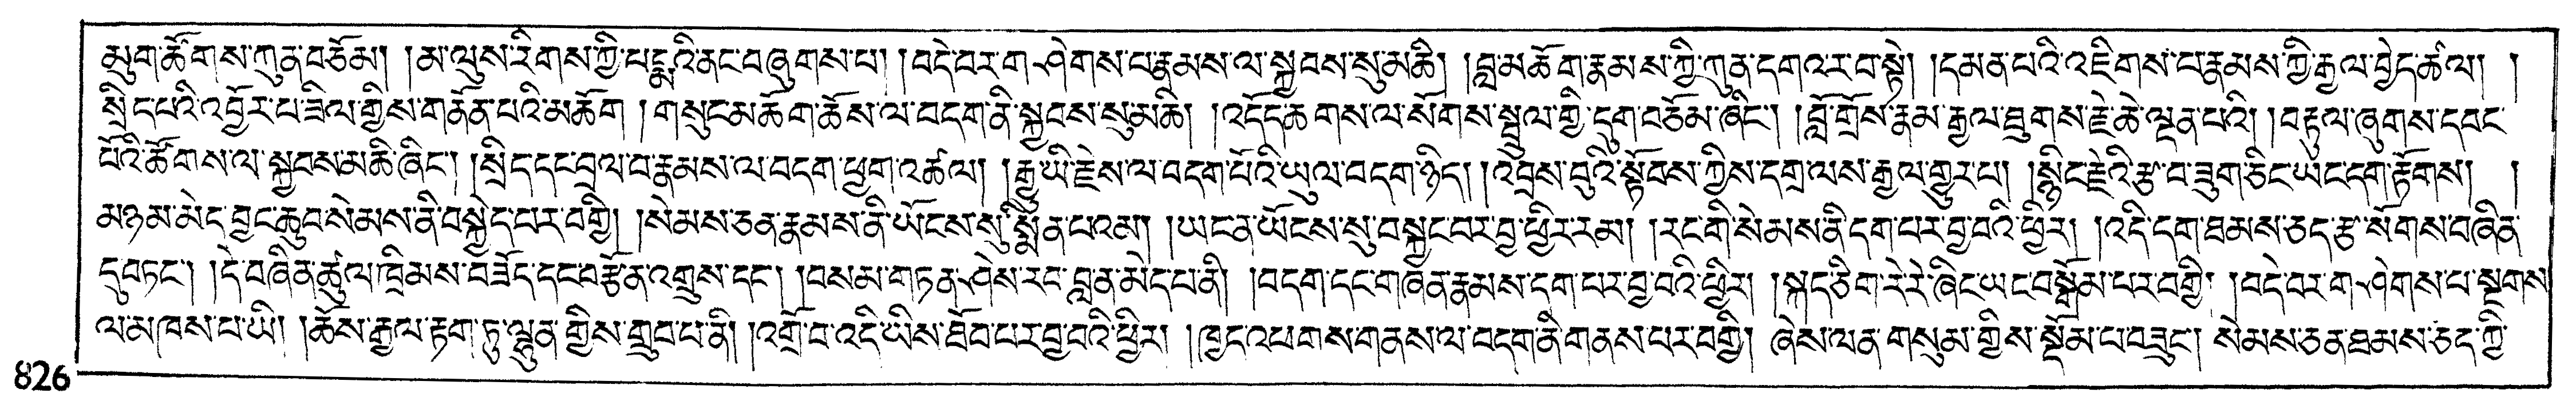མུག་ཚོགས་ཀུན་བཅོམ། །མ་ལུས་རིགས་ཀྱི་པདམའི་ནང་བཞུགས་པ། །བདེ་བར་གཤེགས་པ་རྣམས་ལ་སྐྱབས་སུ་མཆི། །བླ་མཆོག་རྣམས་ཀྱི་ཀུན་དགའ་ར་བ་སྟེ། །དམན་པའི་འཇིགས་པ་རྣམས་ཀྱི་རྒྱལ་བྱེད་ཚལ། །
སྲིད་པའི་འབྱོར་པ་ཟིལ་གྱིས་གནོན་པའི་མཆོག །གསུང་མཆོག་ཆོས་ལ་བདག་ནི་སྐྱབས་སུ་མཆི། །འདོད་ཆགས་ལ་སོགས་སྦྲུལ་གྱི་དུག་བཅོམ་ཞིང་། །བློ་གྲོས་རྣམ་རྒྱལ་ཐུགས་རྗེ་ཆེ་ལྡན་པའི། །བརྟུལ་ཞུགས་དབང་
པོའི་ཚོགས་ལ་སྐྱབས་མཆི་ཞིང་། །སྲིད་དང་བྲལ་བ་རྣམས་ལ་བདག་ཕྱག་འཚལ། །རྒྱུ་ཡི་རྗེས་ལ་བདག་པོའི་ཡུལ་བདག་ཉིད། །འབྲས་བུའི་སྟོབས་ཀྱིས་དགྲ་ལས་རྒྱལ་གྱུར་པ། །སྙིང་རྗེའི་རྩ་བ་ཟུག་ཅིང་ཡང་དག་རྟོགས། །
མཉམ་མེད་བྱང་ཆུབ་སེམས་ནི་བསྐྱེད་པར་བགྱི། །སེམས་ཅན་རྣམས་ནི་ཡོངས་སུ་སྨིན་པའམ། །ཡང་ན་ཡོངས་སུ་བསྐྱང་བར་བྱ་ཕྱིར་རམ། །རང་གི་སེམས་ནི་དག་པར་བྱ་བའི་ཕྱིར། །འདི་དག་ཐམས་ཅད་རྩ་སོགས་བཞིན་
དུ་བཏང་། །དེ་བཞིན་ཚུལ་ཁྲིམས་བཟོད་དང་བརྩོན་འགྲུས་དང་། །བསམ་གཏན་ཤེས་རབ་བླ་ན་མེད་པ་ནི། །བདག་དང་གཞན་རྣམས་དག་པར་བྱ་བའི་ཕྱིར། །སྐད་ཅིག་རེ་རེ་ཞིང་ཡང་བསྒོམ་པར་བགྱི། །བདེ་བར་གཤེགས་པ་སྔགས་
ལ་མཁས་པ་ཡི། །ཆོས་རྒྱལ་རྟག་ཏུ་ལྷུན་གྱིས་གྲུབ་པ་ནི། །འགྲོ་བ་འདི་ཡིས་ཐོབ་པར་བྱ་བའི་ཕྱིར། །ཁྱད་འཕགས་གནས་ལ་བདག་ནི་གནས་པར་བགྱི། ཞེས་ལན་གསུམ་གྱིས་སྡོམ་པ་བཟུང་། སེམས་ཅན་ཐམས་ཅད་ཀྱི་